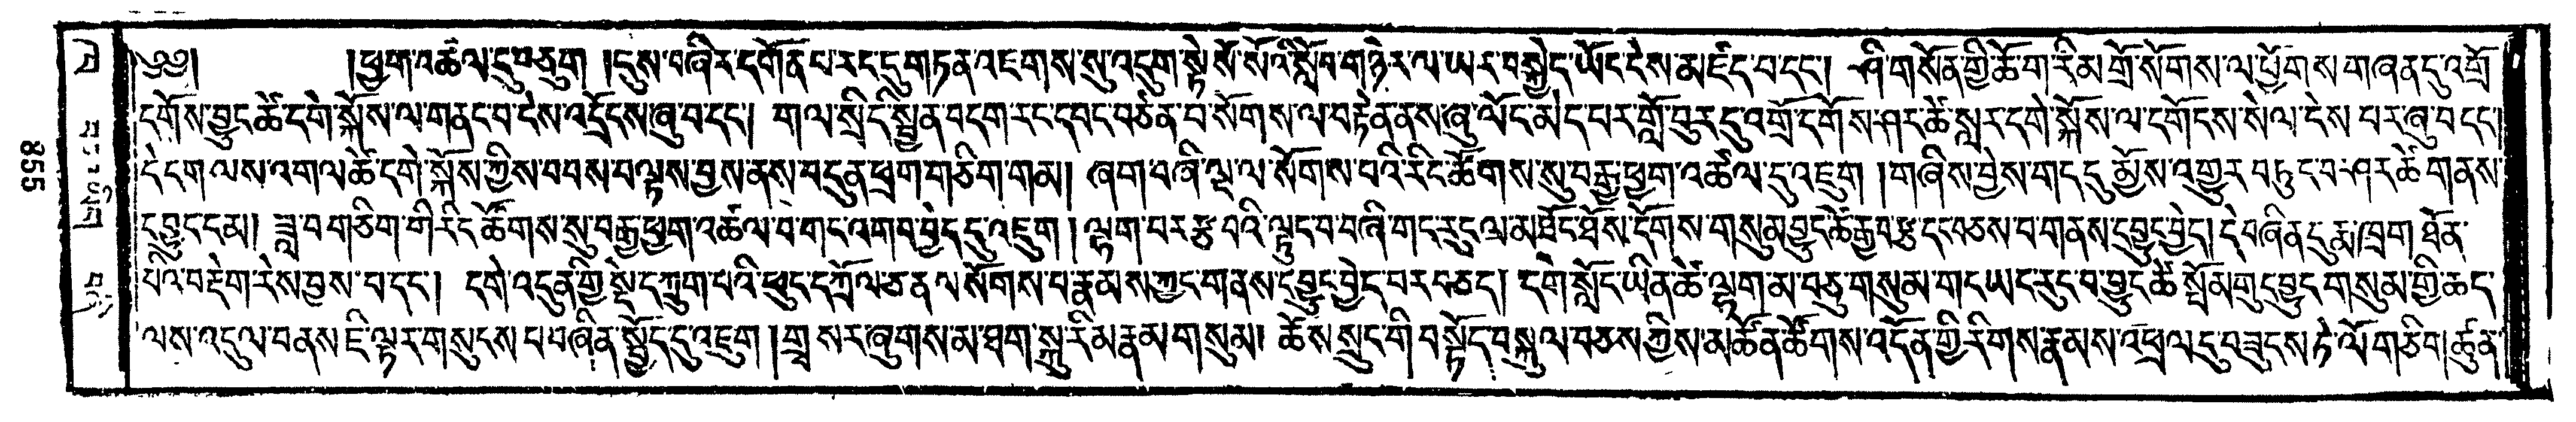༄༅། །ཕྱག་འཚལ་དུ་བཅུག །དུས་བཞིར་དགོན་པ་རང་དུ་གཏན་འཇགས་སུ་འདུག་སྟེ་སོ་སོའི་སློབ་གཉེར་ལ་ཡར་བསྐྱེད་ཡོང་ངེས་མཛད་བ་དང་། ཤི་གསོན་གྱི་ཆོ་ག་རིམ་གྲོ་སོགས་ལ་ཕྱོགས་གཞན་དུ་འགྲོ་
དགོས་བྱུང་ཚེ་དགེ་སྐོས་ལ་གནང་བ་ངེས་འདྲོངས་ཞུ་བ་དང་། གལ་སྲིད་སྦྱིན་བདག་རང་དབང་བཙན་བ་སོགས་ལ་བརྟེན་ནས་ཞུ་ལོང་མེད་པར་གློ་བུར་དུ་འགྲོ་དགོས་ཤར་ཚེ་སླར་དགེ་སྐོས་ལ་དགོངས་སེལ་ངེས་པར་ཞུ་བ་དང་།
དེ་དག་ལས་འགལ་ཚེ་དགེ་སྐོས་ཀྱིས་བབས་བལྟས་བྱས་ནས་བདུན་ཕྲག་གཅིག་གམ། ཞག་བཞི་ལྔ་ལ་སོགས་པའི་རིང་ཚོགས་སུ་བརྒྱ་ཕྱག་འཚལ་དུ་འཇུག །གཞིས་བྱེས་གད་དུ་མྱོས་འགྱུར་བཏུ་ང་བཤར་ཚེ་གནས་
དབྱུང་ངམ། ཟླ་བ་གཅིག་གི་རིང་ཚོགས་སུ་བརྒྱ་ཕྱག་འཚལ་བ་གང་འགབ་བྱེད་དུ་འཇུག །ལྷག་བར་རྩ་བའི་ལྟུང་བ་བཞི་གང་རུང་ལ་མཐོང་ཐོས་དོགས་གསུམ་བྱུང་ཚེ་རྒྱབ་རྩ་དང་བཅས་བ་གནས་དབྱུང་བྱེད། དེ་བཞིན་དུ་རྨ་ཁྲག་ཐོན་
པའི་བརྡེག་རེས་བྱས་པ་དང་། དགེ་འདུན་གྱི་སྡེ་དཀྲུག་པའི་ཕུང་དཀྲོལ་ཅན་ལ་སོགས་པ་རྣམས་ཀྱང་གནས་དབྱུང་བྱེད་པར་བཅད། དགེ་སློང་ཡིན་ཚེ་ལྷག་མ་བཅུ་གསུམ་གང་ཡང་རུང་བ་བྱུང་ཚེ་སྤོ་མགུ་དབྱུང་གསུམ་གྱི་ཆད་
ལས་འདུལ་བ་ནས་ཇི་ལྟར་གསུངས་པ་བཞིན་སྦྱོད་དུ་འཇུག །གྲྭ་སར་ཞུགས་མ་ཐག་སྐུ་རིམ་རྣམ་གསུམ། ཆོས་སྲུང་གི་བསྟོད་བསྐུལ་བཅས་ཀྱིས་མཚོན་ཚོགས་འདོན་གྱི་རིགས་རྣམས་འཕྲལ་དུ་བཟུངས་ཏེ་ལོ་གཅིག་ཚུན་